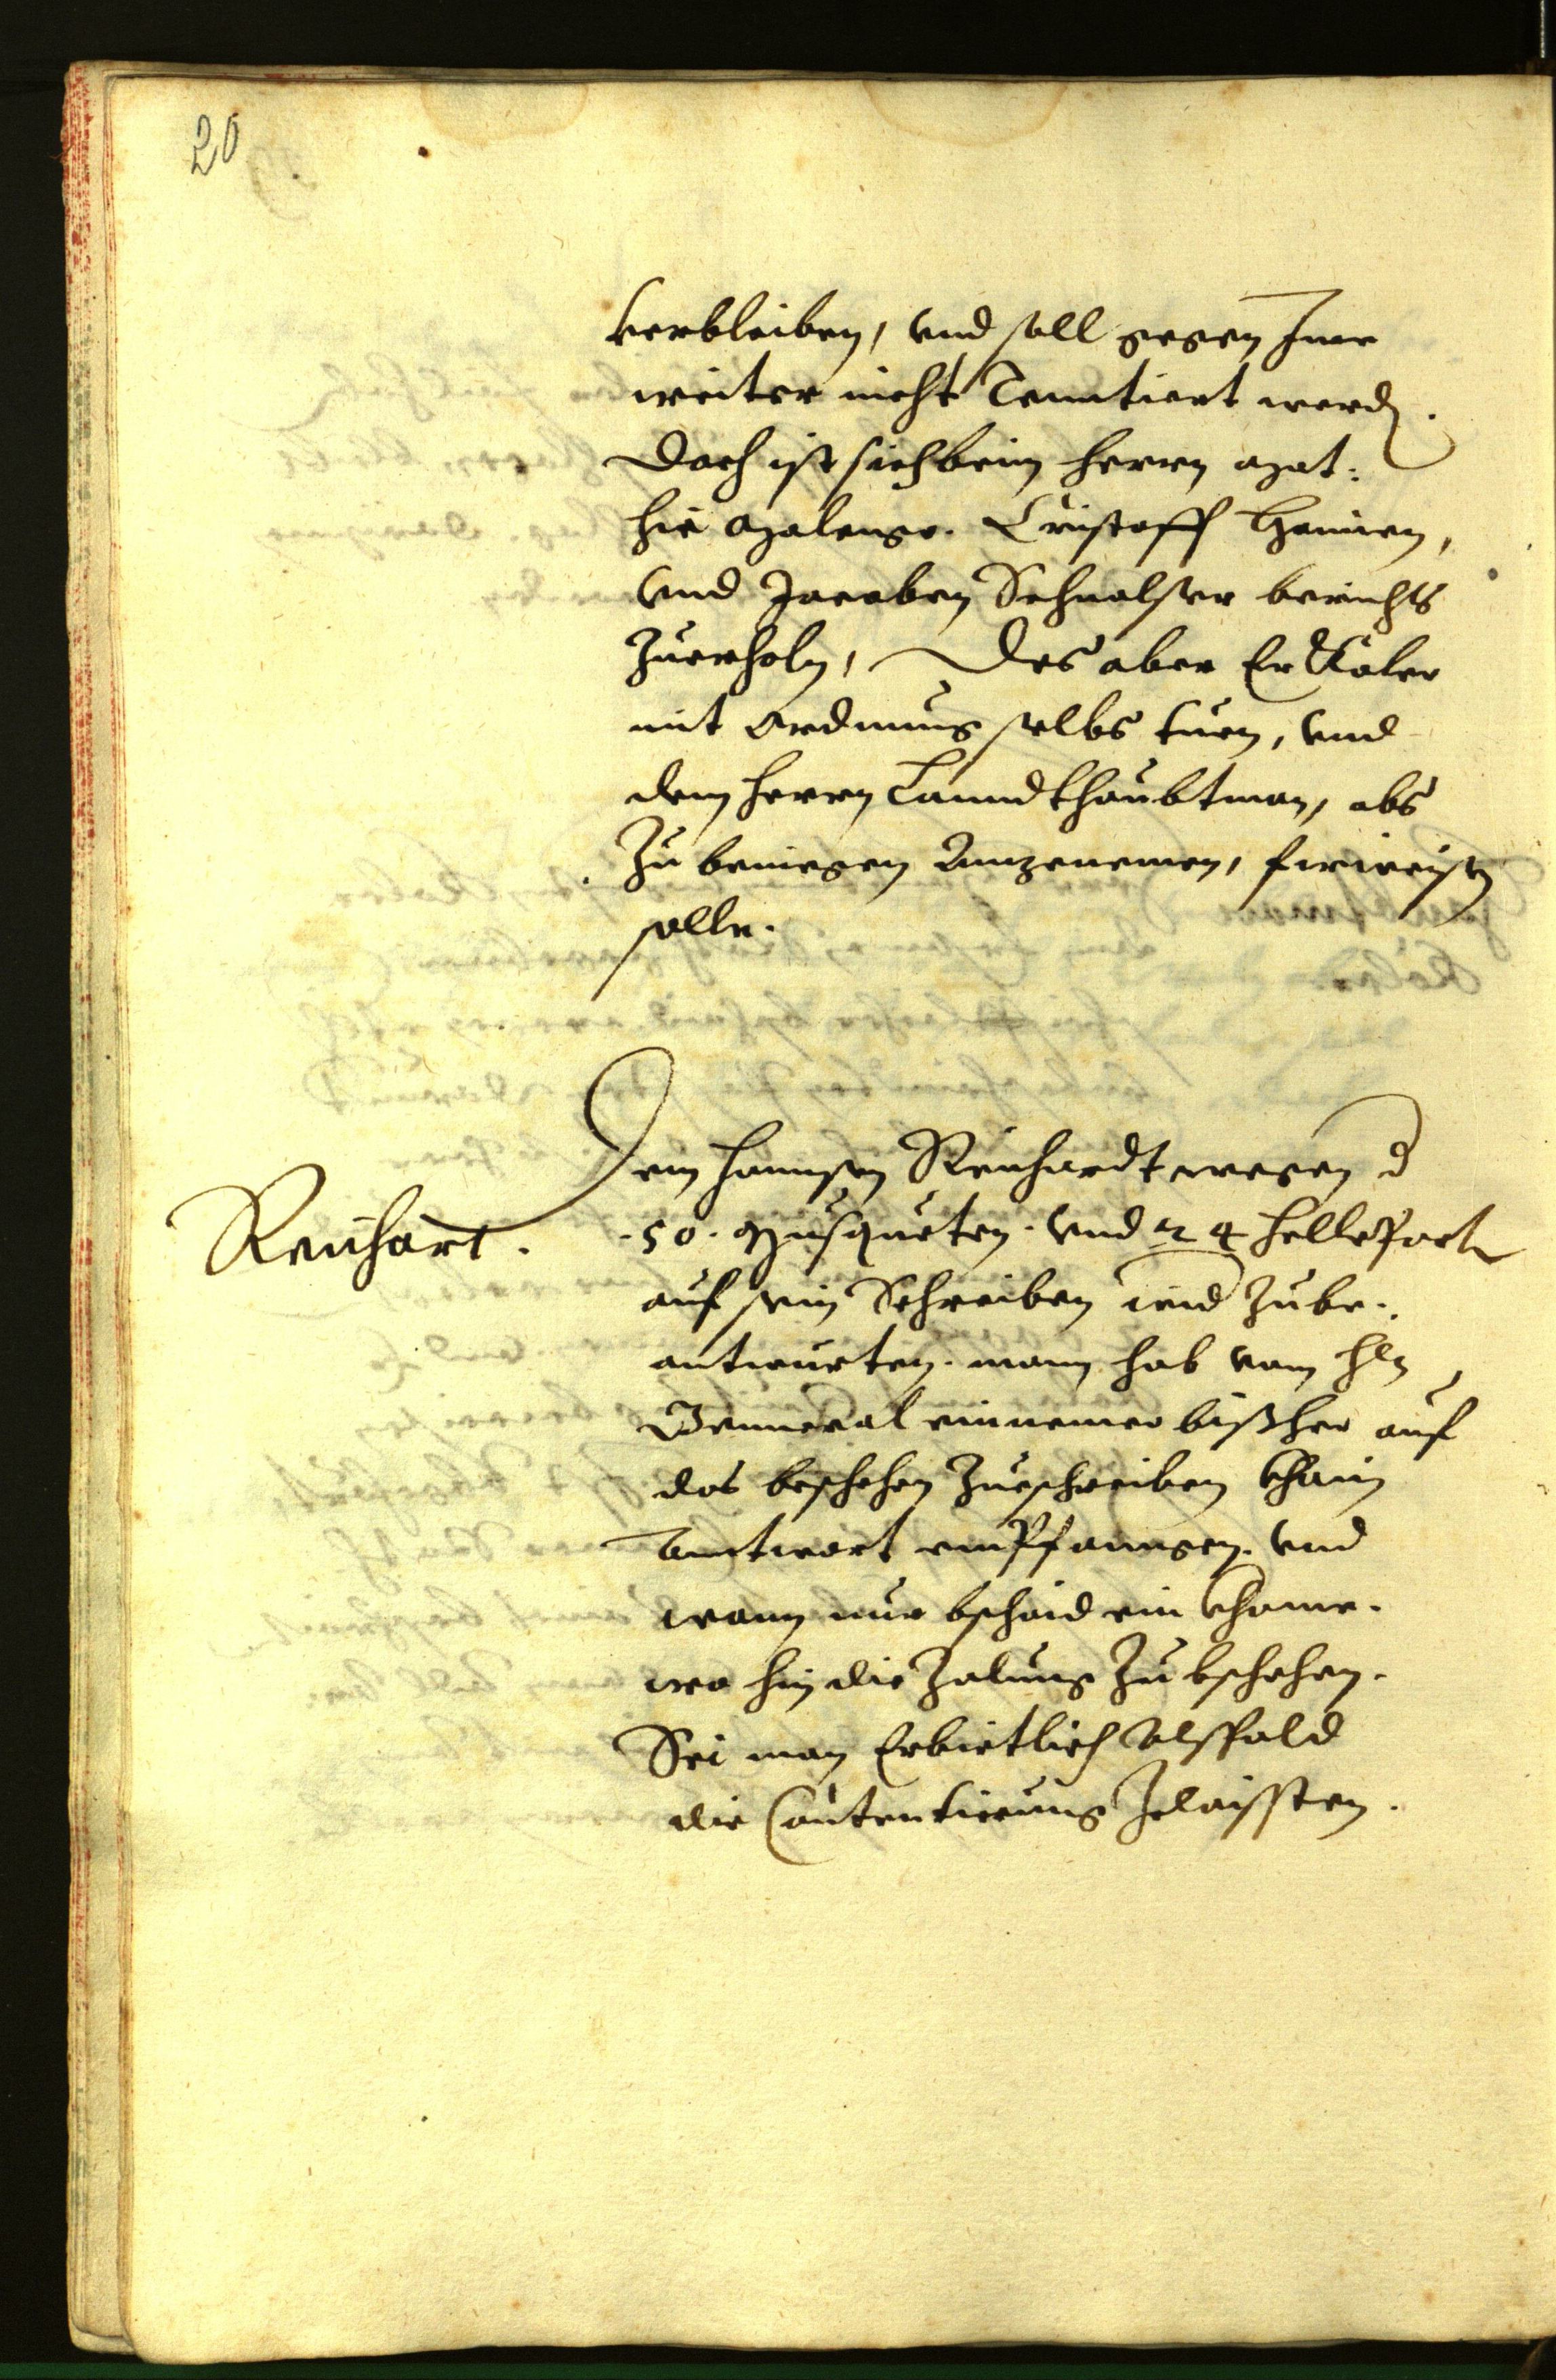20
verbleiben, vnd soll gegen Ime
weiter nicht Tenntiert werd.
doch ist sich beim herrn Mat¬
hie Malenge. Cristoff Haimen,
vnd Jacoben Schnalser berichts
Zūerholn, Des aber Er Koler
mit Ordnūng selbs tūen, vnd
dem herrn Lanndthaūbtman, als
Zū beniegen Anzenemen, firweisn
solle.
Dem hannsen Reichardt wegen d
50. Mūsqūeten. vnd 24 hellePart
aūf sein Schreiben wid Zū be¬
antwūrten. mann hab vom hln
Genneral einnemen bißher aūf
das beschehen Zūeschreiben khain
Antwort empfanngen. vnd
wann nūr bschaid ein khome.
wo hin die Zalūng Zū bschehen.
Sei man Erbietlich Alspald
die Contentierūng Zelaissten.
Reichart.